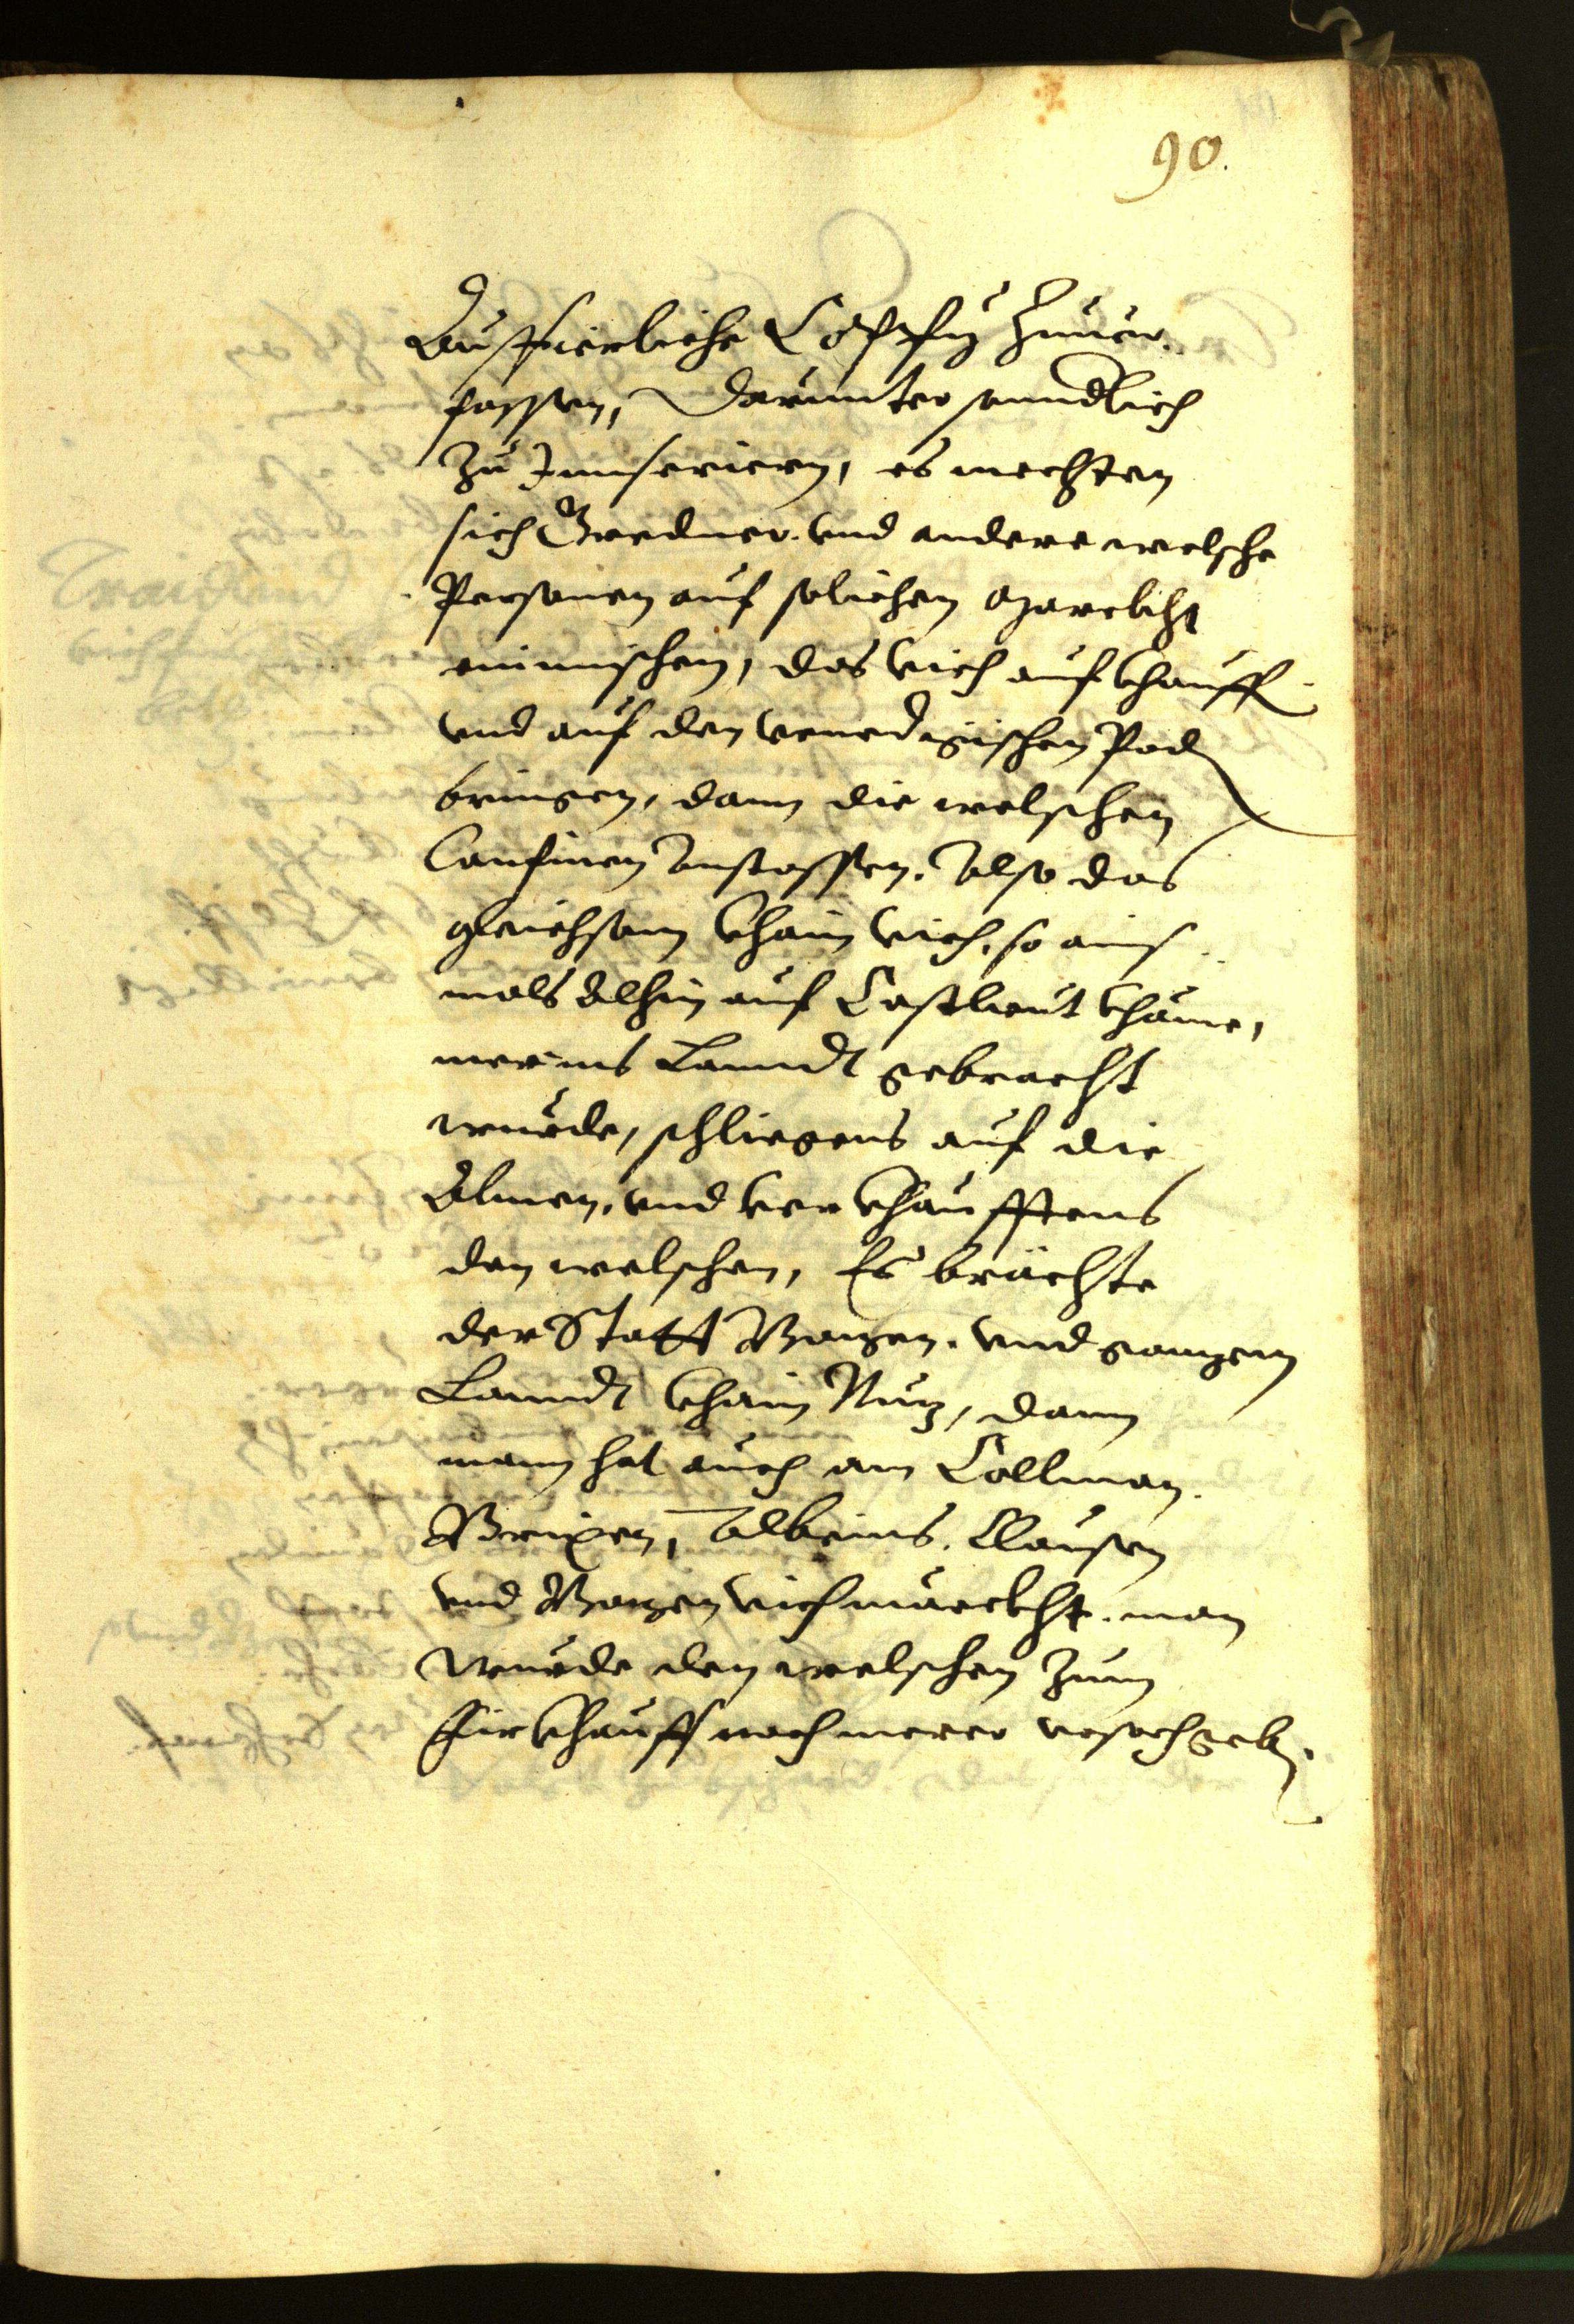90
Aūsfierliche CoPPȳ Zūūer¬
fassen, Darūnter sonndlich
Zū Innseriern, es mechten
sich Gredner. vnd anndere welsche
Personen aūf solichen Marckht
einmischen, das vieh aūfkhaūff
vnd aūf den venedigischen Pod
bringen, dann die welschen
Confinen Anstossen. Also das
gleichen khain vieh, so ains¬
mals Alhin aūf Castlrūt khāme,
mer ins Lanndt gebracht
wūrde, schliegens aūf die
Almen. vnd verkhaūffens
den welschen, Es brächte
der Statt Bozen. vnd gannzen
Lanndt khain Nūz, dann
mann hat aūch an Collman.
Brixen, Albeins. Claūsen
vnd Bozen viehmārckht. man
wūrde den welschen Zūm
Firkhaūff noch merer vrsach geb.